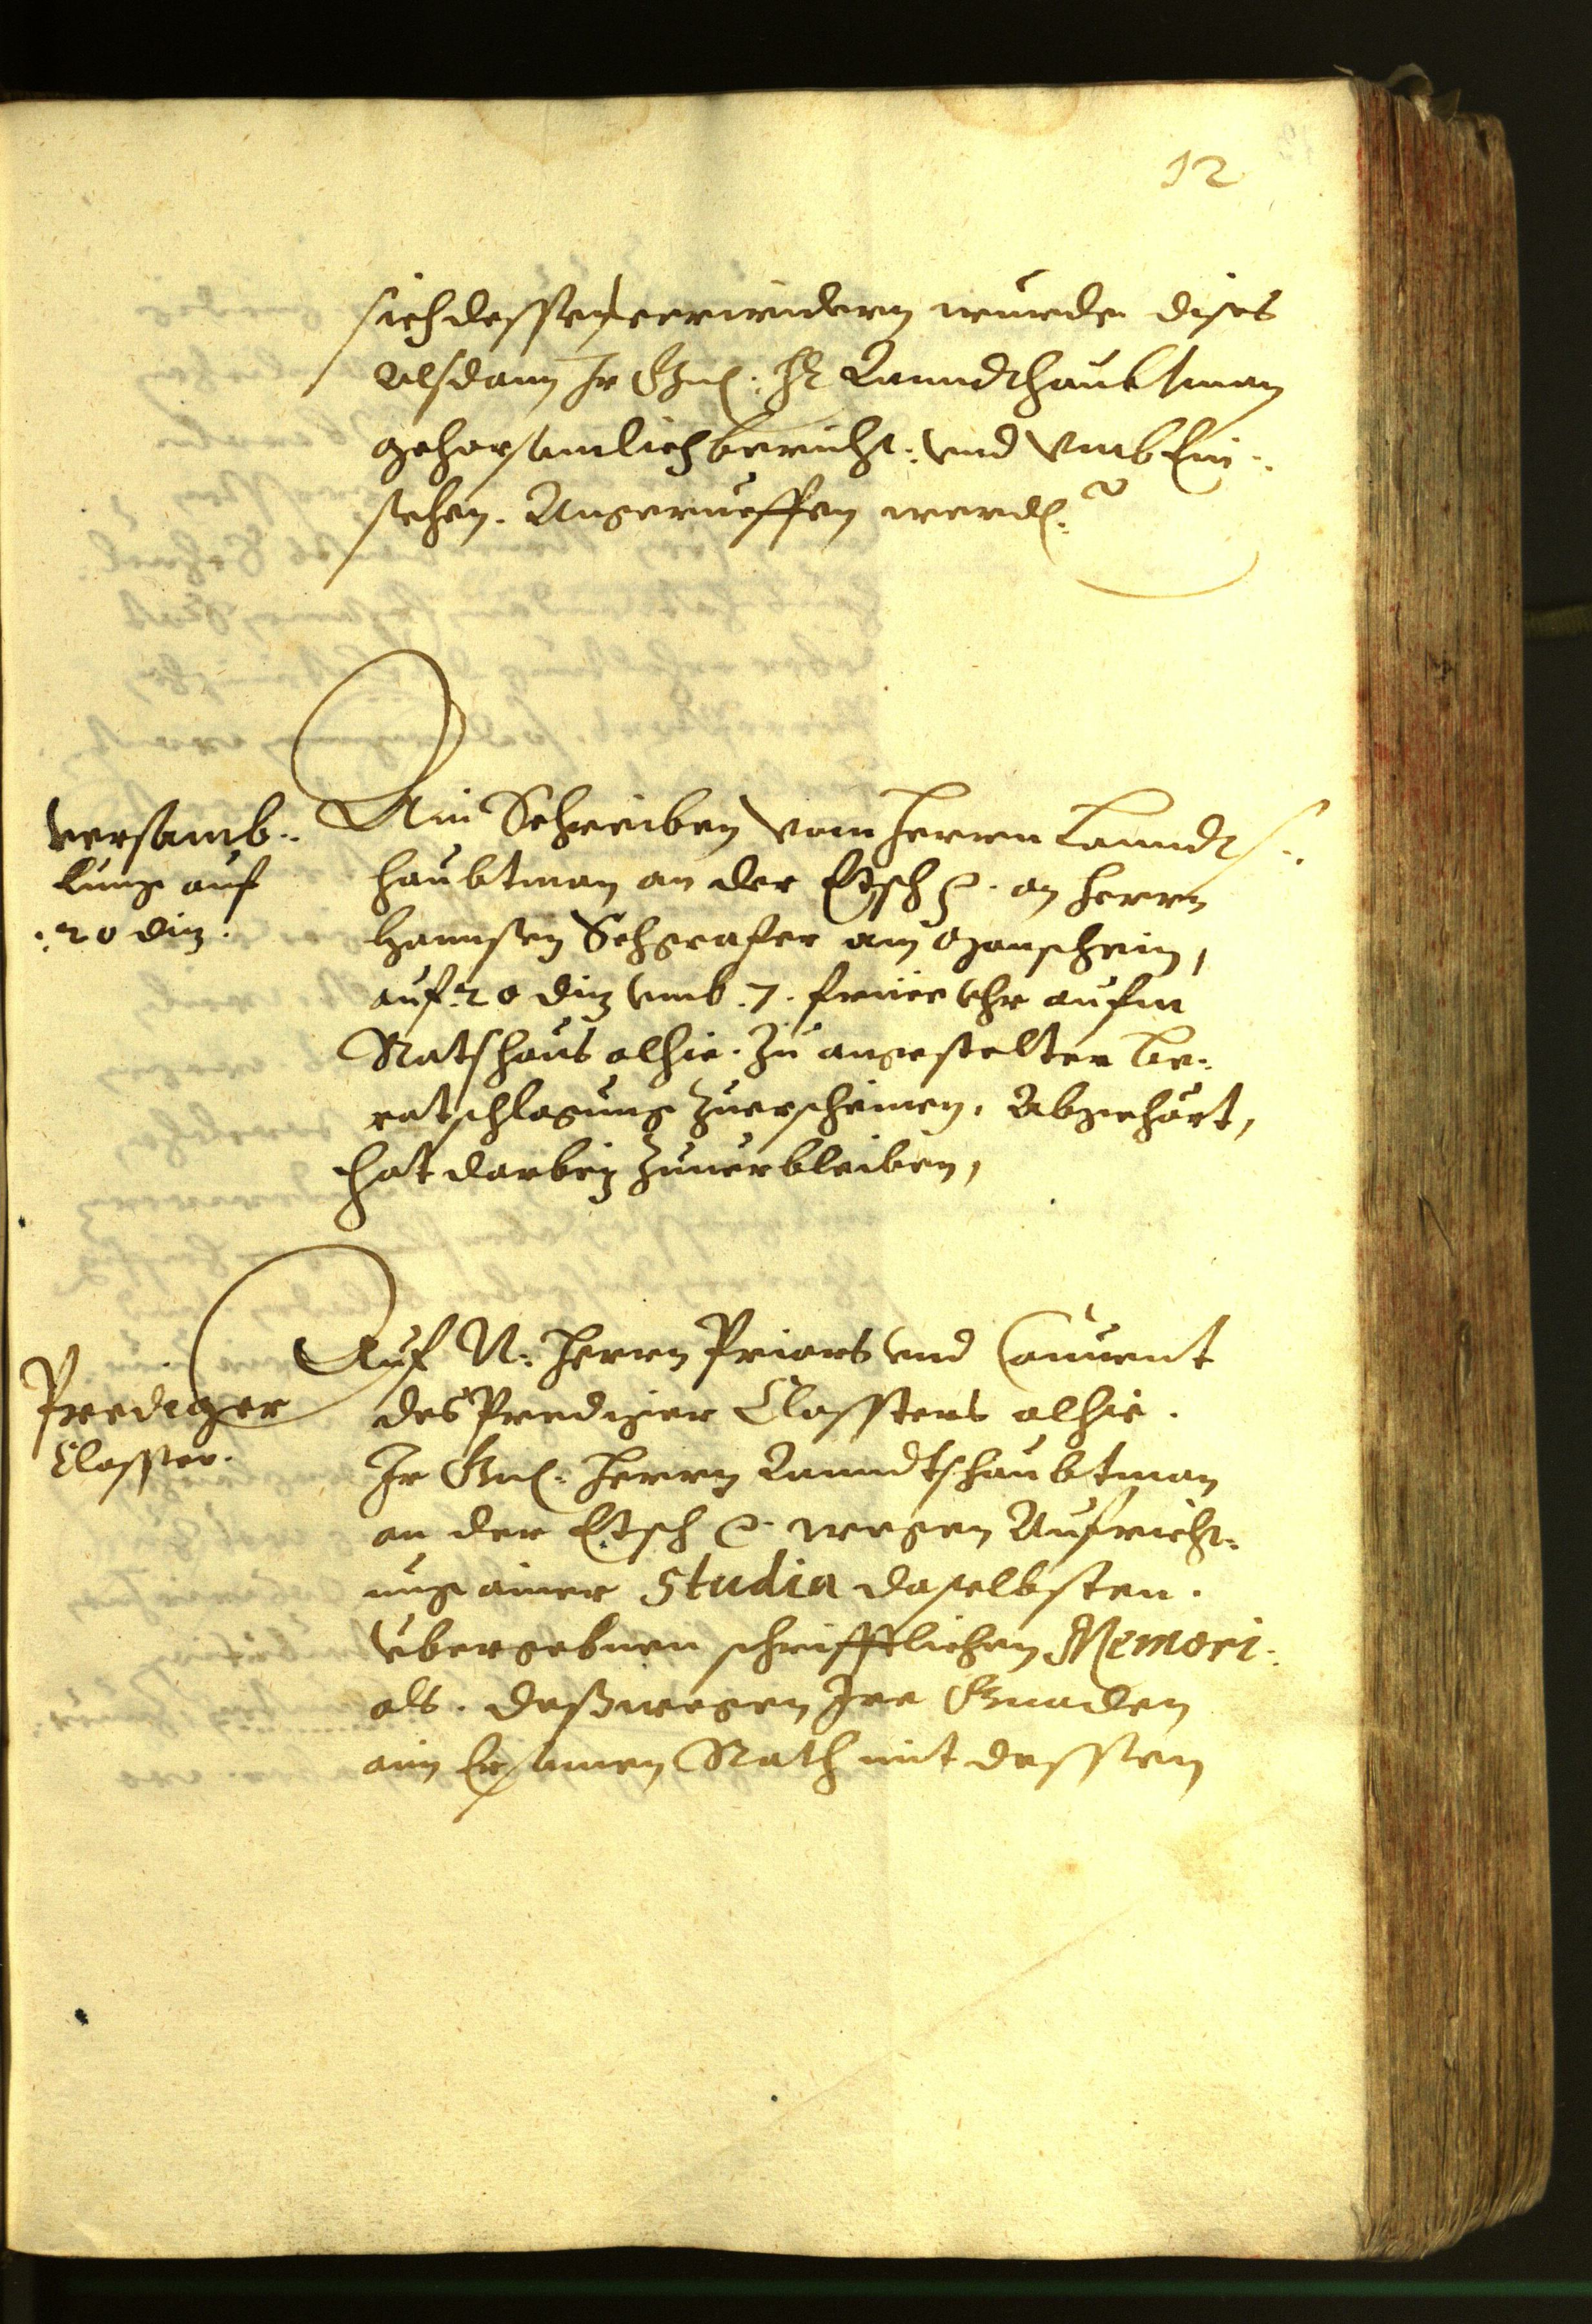12
sich dessen verwidern wūrde dises
Alsdann Ir Gn: H Landthaūbtman
gehorsamblich bericht. vnd vmb Ein¬
sehen. Angerūeffen werd.
Ain Schreiben vom herrn Lanndts¬
haūbtman an der Etsch etc. an herrn
Hannsen Schgrafer am Monschein,
aūf. 20 diz vmb .7. früer vhr aūfm
Ratshaūs alhie. Zū angestelter be¬
ratschlagūng Zūerscheinen, Abgehōrt,
hat darbej Zūuērbleiben,
Versamb¬
lūng aūf
:20 diz.
Aūf N: herrn Priors vnd Conūent
des Prediger Clossters alhie.
Ir Gn: Herrn Lanndtshaūbtman
an der Etsch etc. wegen Aūfricht¬
ūng ainer Studia daselbsten.
v̄bergeben schrifftlichen Memori¬
als. deßwegen Ire Gnaden
aim Ersamen Rath mit dessen
Prediger
Closster.